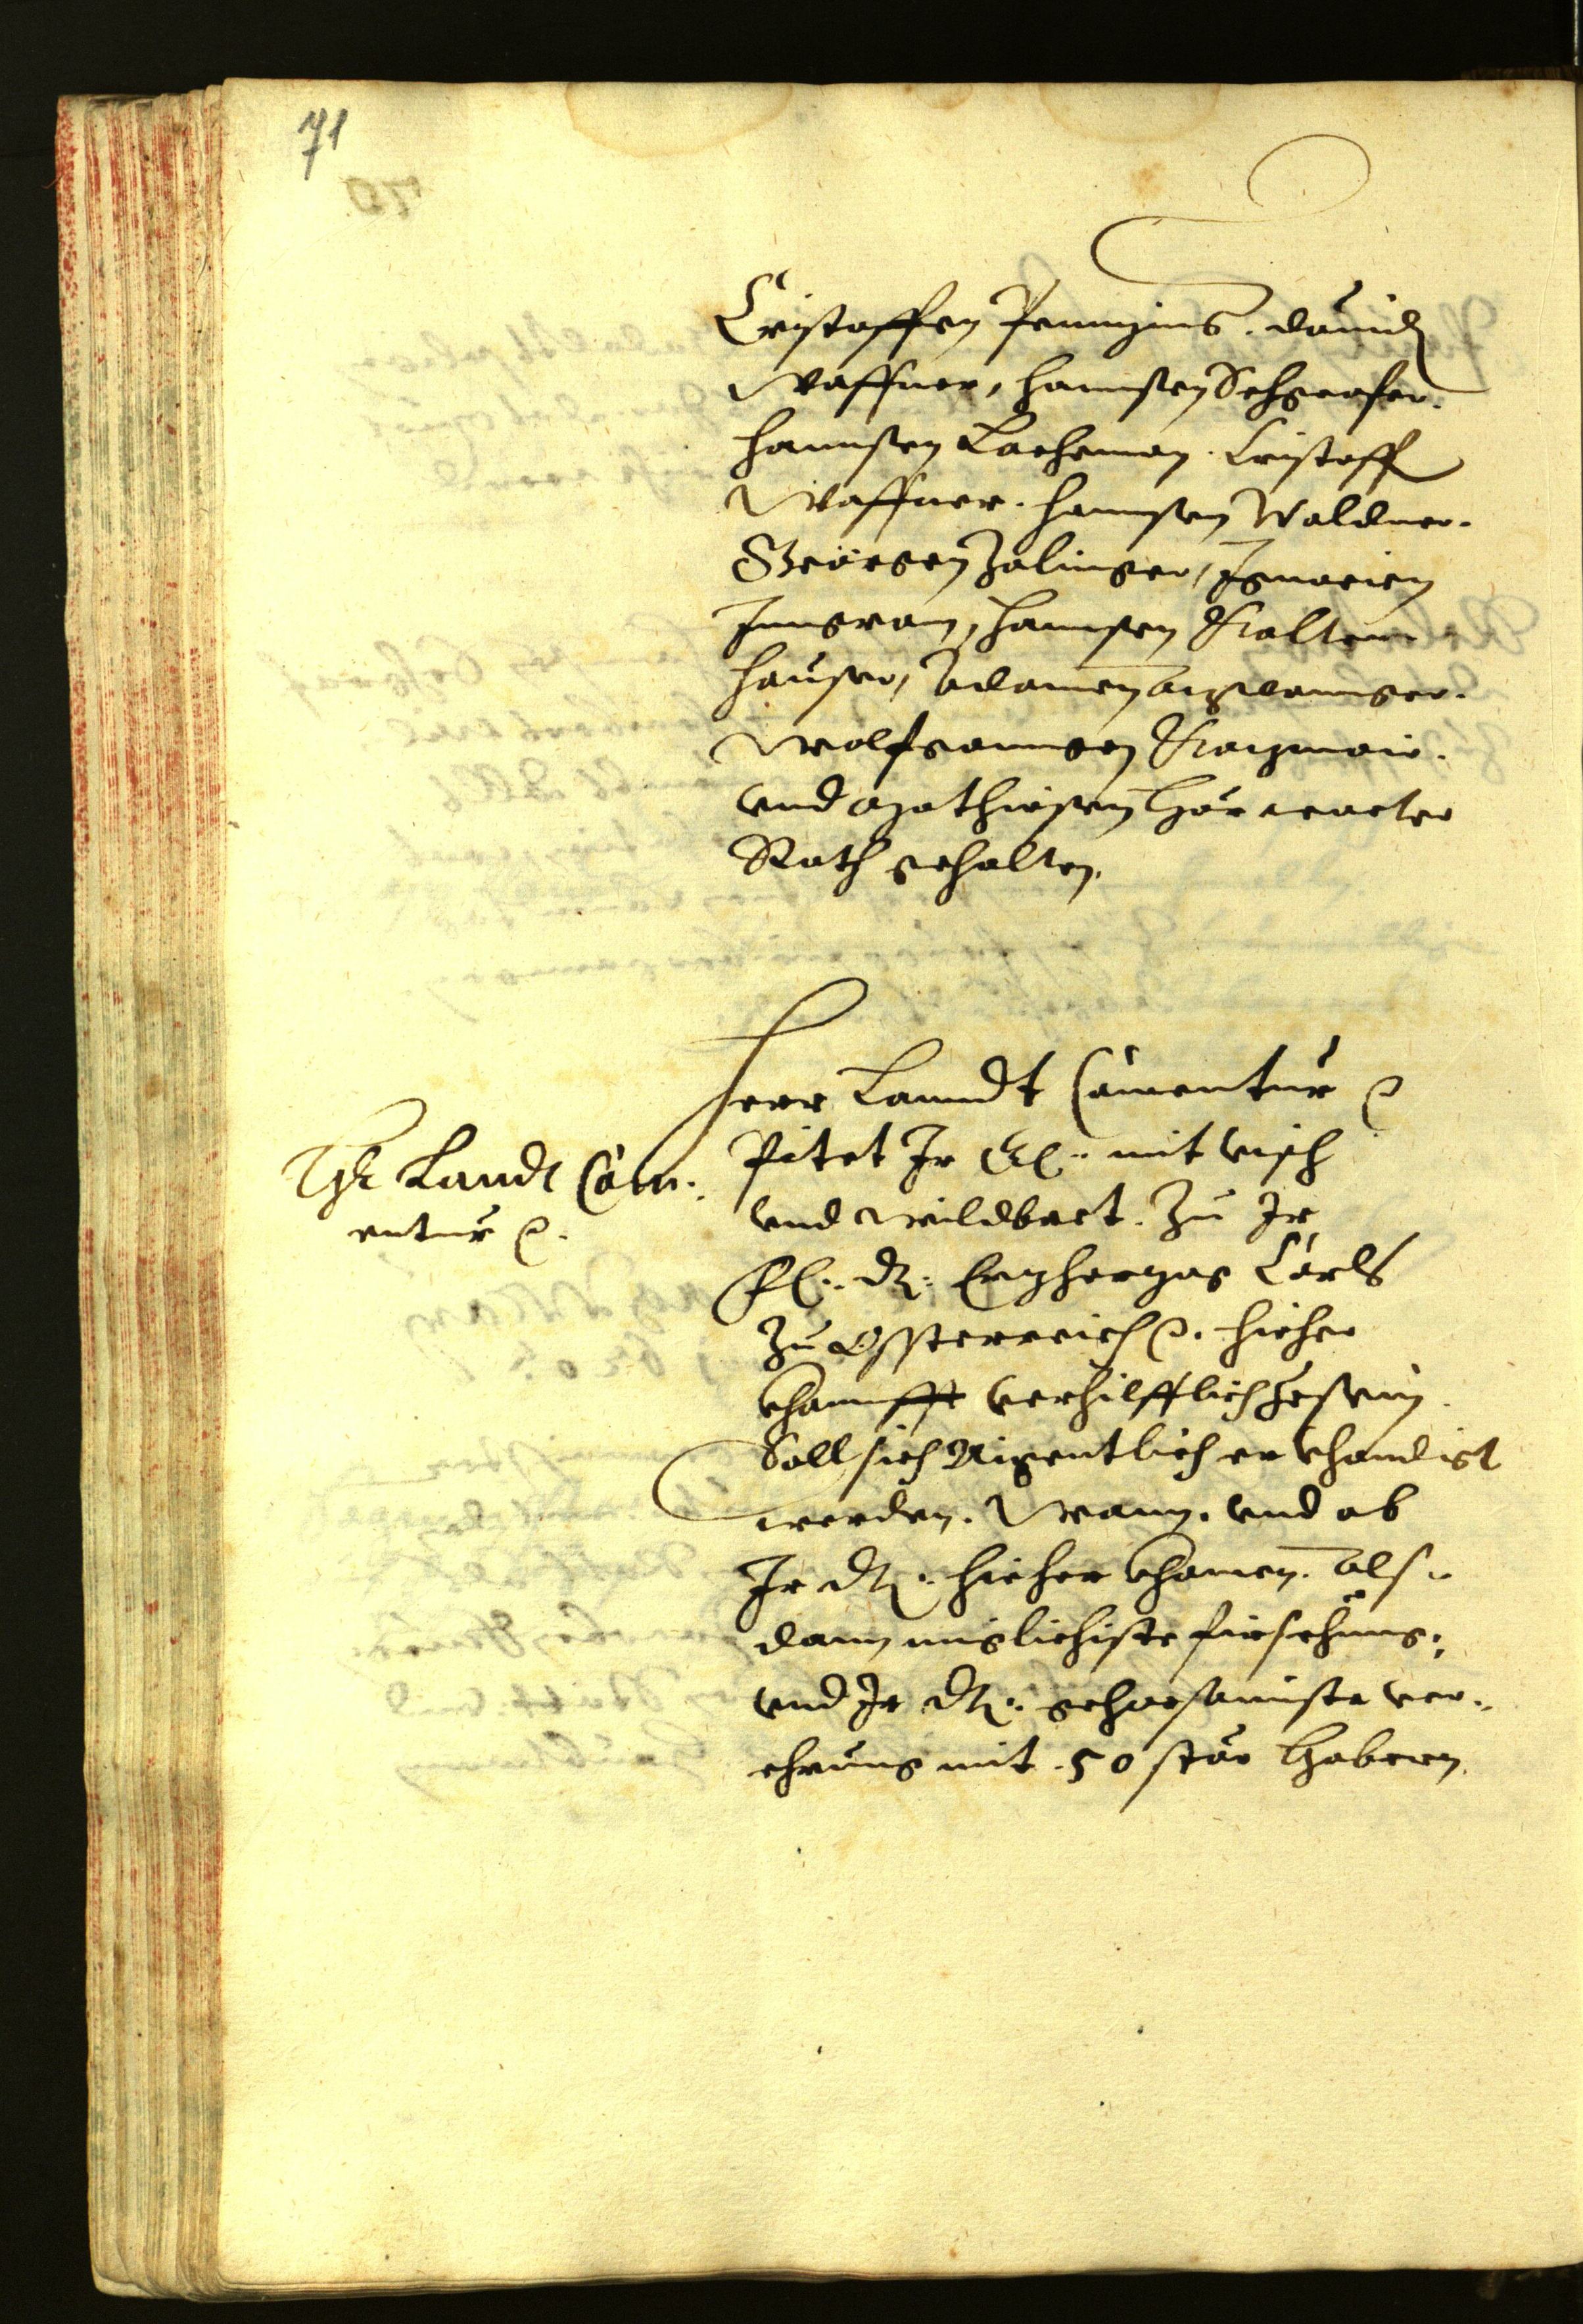71
Cristoffen Pennzing. Daūiden
Waffner, hannsen Schgrafer.
hannsen Lacheman. Cristoff
Waffner. hannsen Waldner,
Geörgen Zalinger, Ignacien
Inngram, hannsen Kalten¬
haūser, Adamen Azwannger.
Wolfganngen Kazmair.
vnd Mathiesen Hōrwarter
Rath gehalten.
herr Lanndt Comentūr etc.
Pitet Ir G: mit visch
vnd wildbret. Zū Ir
Fl: dt: Erzherzog Carls
Zū Ossterreich etc. hieher
khonnfft verhilfflich Zesein.
Soll sich Aigentlich erkhondigt
werden. Wann. vnd ob
Ir dt: hieher khomen. Als¬
dann miglichste firsehūng¬
vnd Ir dt: gehorsamiste ver¬
ehrūng mit .50 Stār Habern
Hl Landt Com¬
entūr etc.